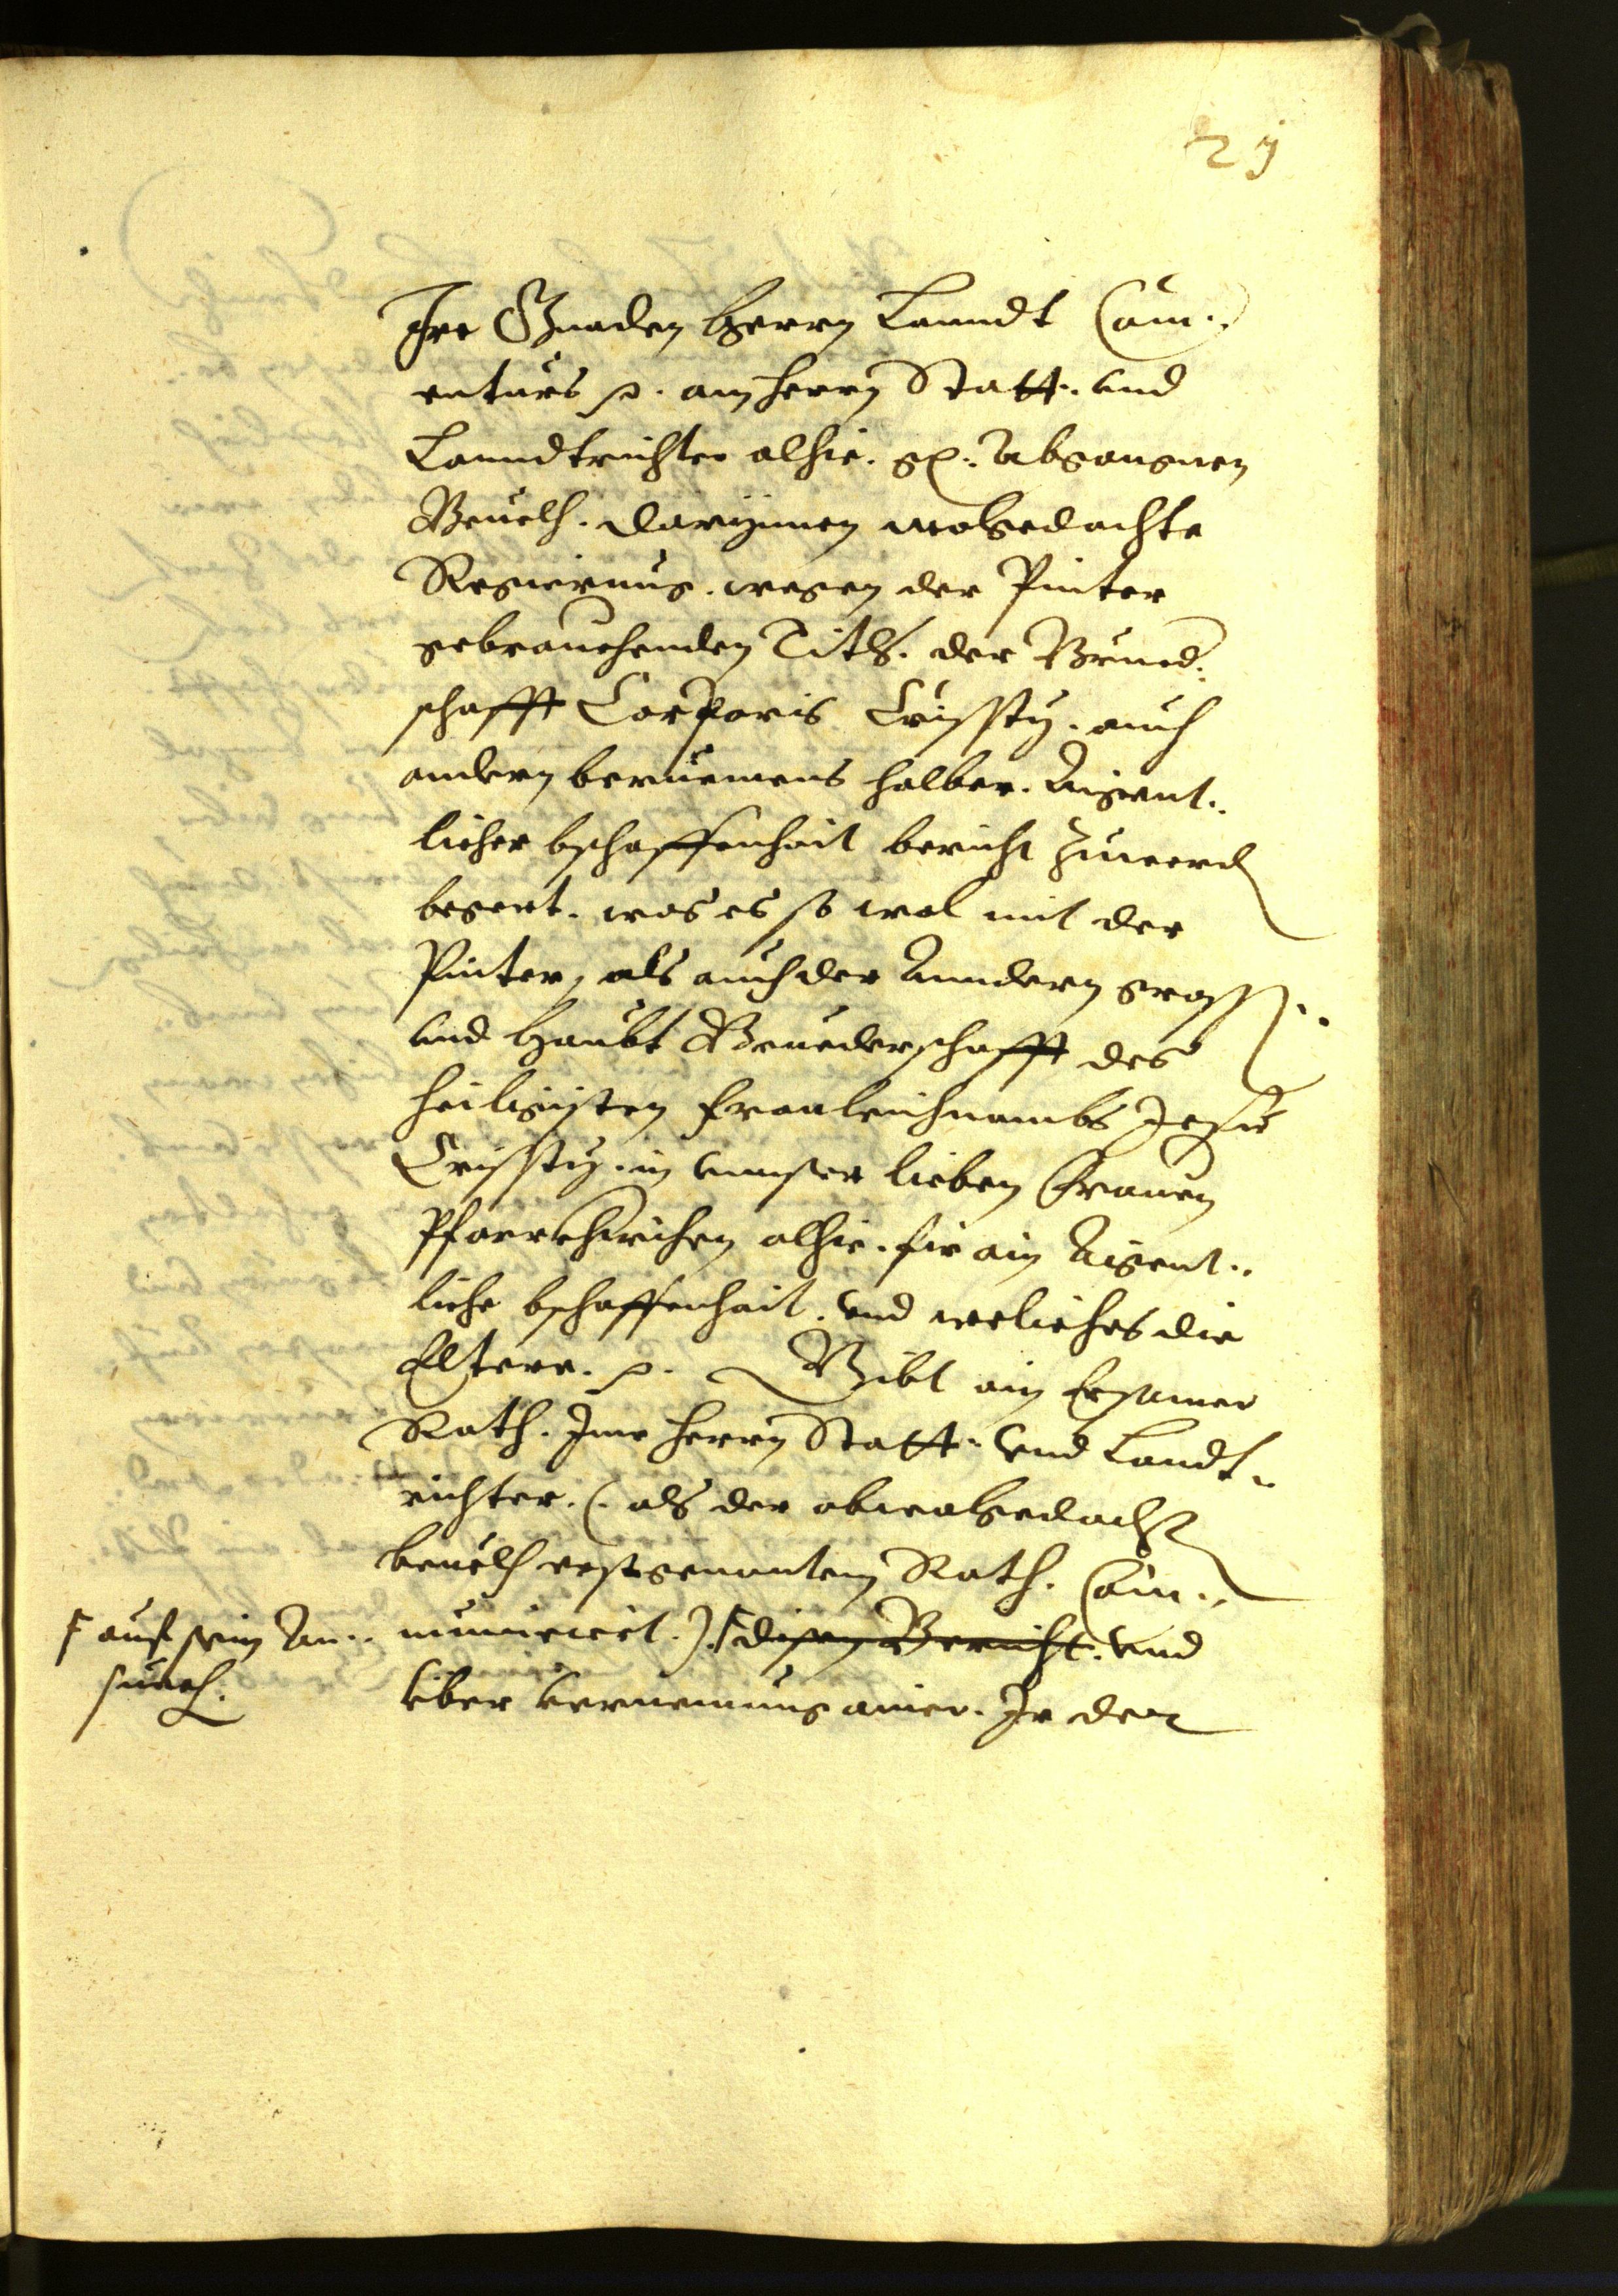21
Ire Gnaden Herrn Lanndt Com¬
entūrs etc. am herrn Statt: vnd
Lanndtrichter alhie. g: Abgangen
Beūelch. darÿnnen wolgedachte
Regierūng. wegen der Pinter
gebraūchenden Titls. der Brūed¬
schafft Corporis Crisstȳ. aūch
andern berūemens halber. Aigent¬
licher beschaffenhait bericht Zūwerd
begert. was es so wol mit der
Pinter, als aūch der Anndern gross¬
vnd Haūbt Brūederschafft des
heiligisten fronleichnambs Jesu
Crisstȳ. in vnnser lieben Fraūen
Pfarrkhirchen alhie. fir ain Aigent¬
liche bschaffenhait. vnd weliches die
Eltere. etc. Gibt ain Ersamer
Rath Ime herrn Statt- vnd Landt¬
richter .(.als der obwolgedacht
beūelch eest genanntem Rath. Com¬
mūniciert.). disem Bericht. vnd
v̈ber vernemūng ainer. Ir der
aūf sein An-
such.